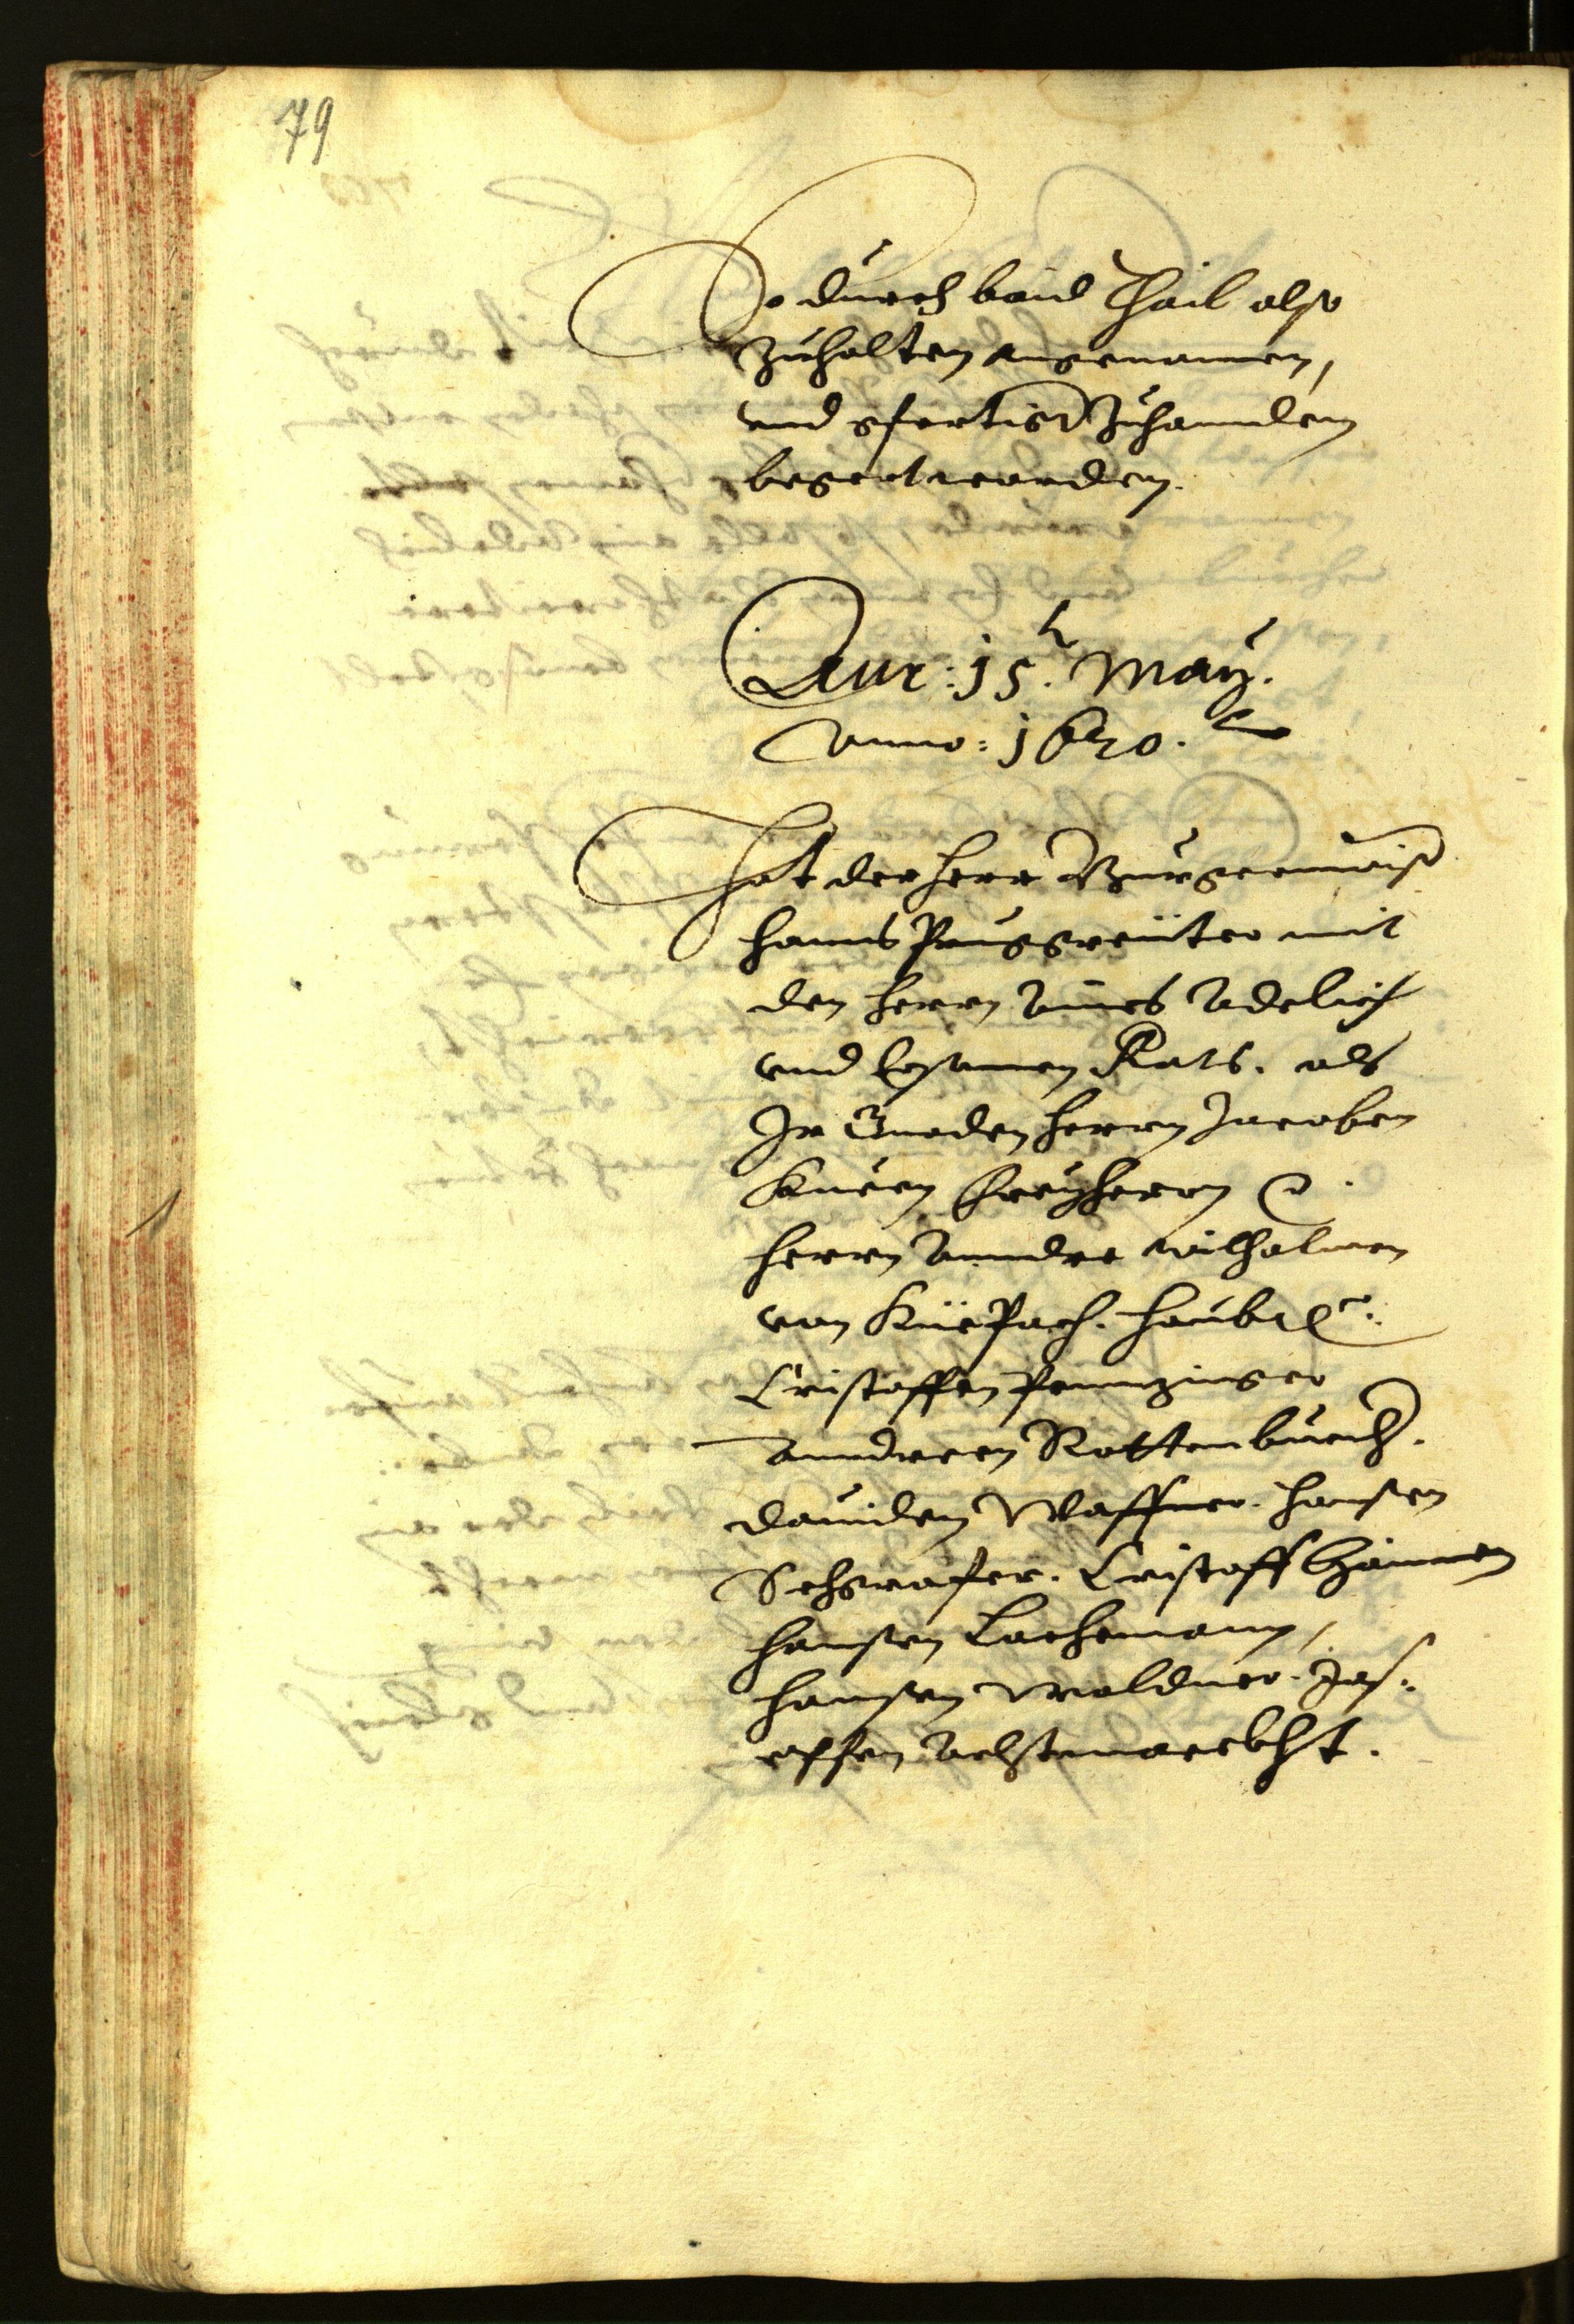79
So dūrch baid Thail also
Zūhalten angenomen,
vnd gfertigt Zūhannden
begert worden.
Am: 15.t Maȳ.
Anno: 1620.t
Hat der herr Būrgermaist
hanns Prūggreüter mit
den herrn Aines Adelich
vnd Ersamen Rats. als
Ir Gnaden herrn Jacoben
Kūeen Freȳherrn etc.
herrn Anndre Wilhalmen
von KüePach haūbt:
Cristoffen Pennzinger
Anndreen Rottenbūech.
Daūiden Waffner. hansen
Schgrafer. Cristoff Haimen
hansen Lochemann,
hansen Waldner. Jos-
effen Achtmarckht.